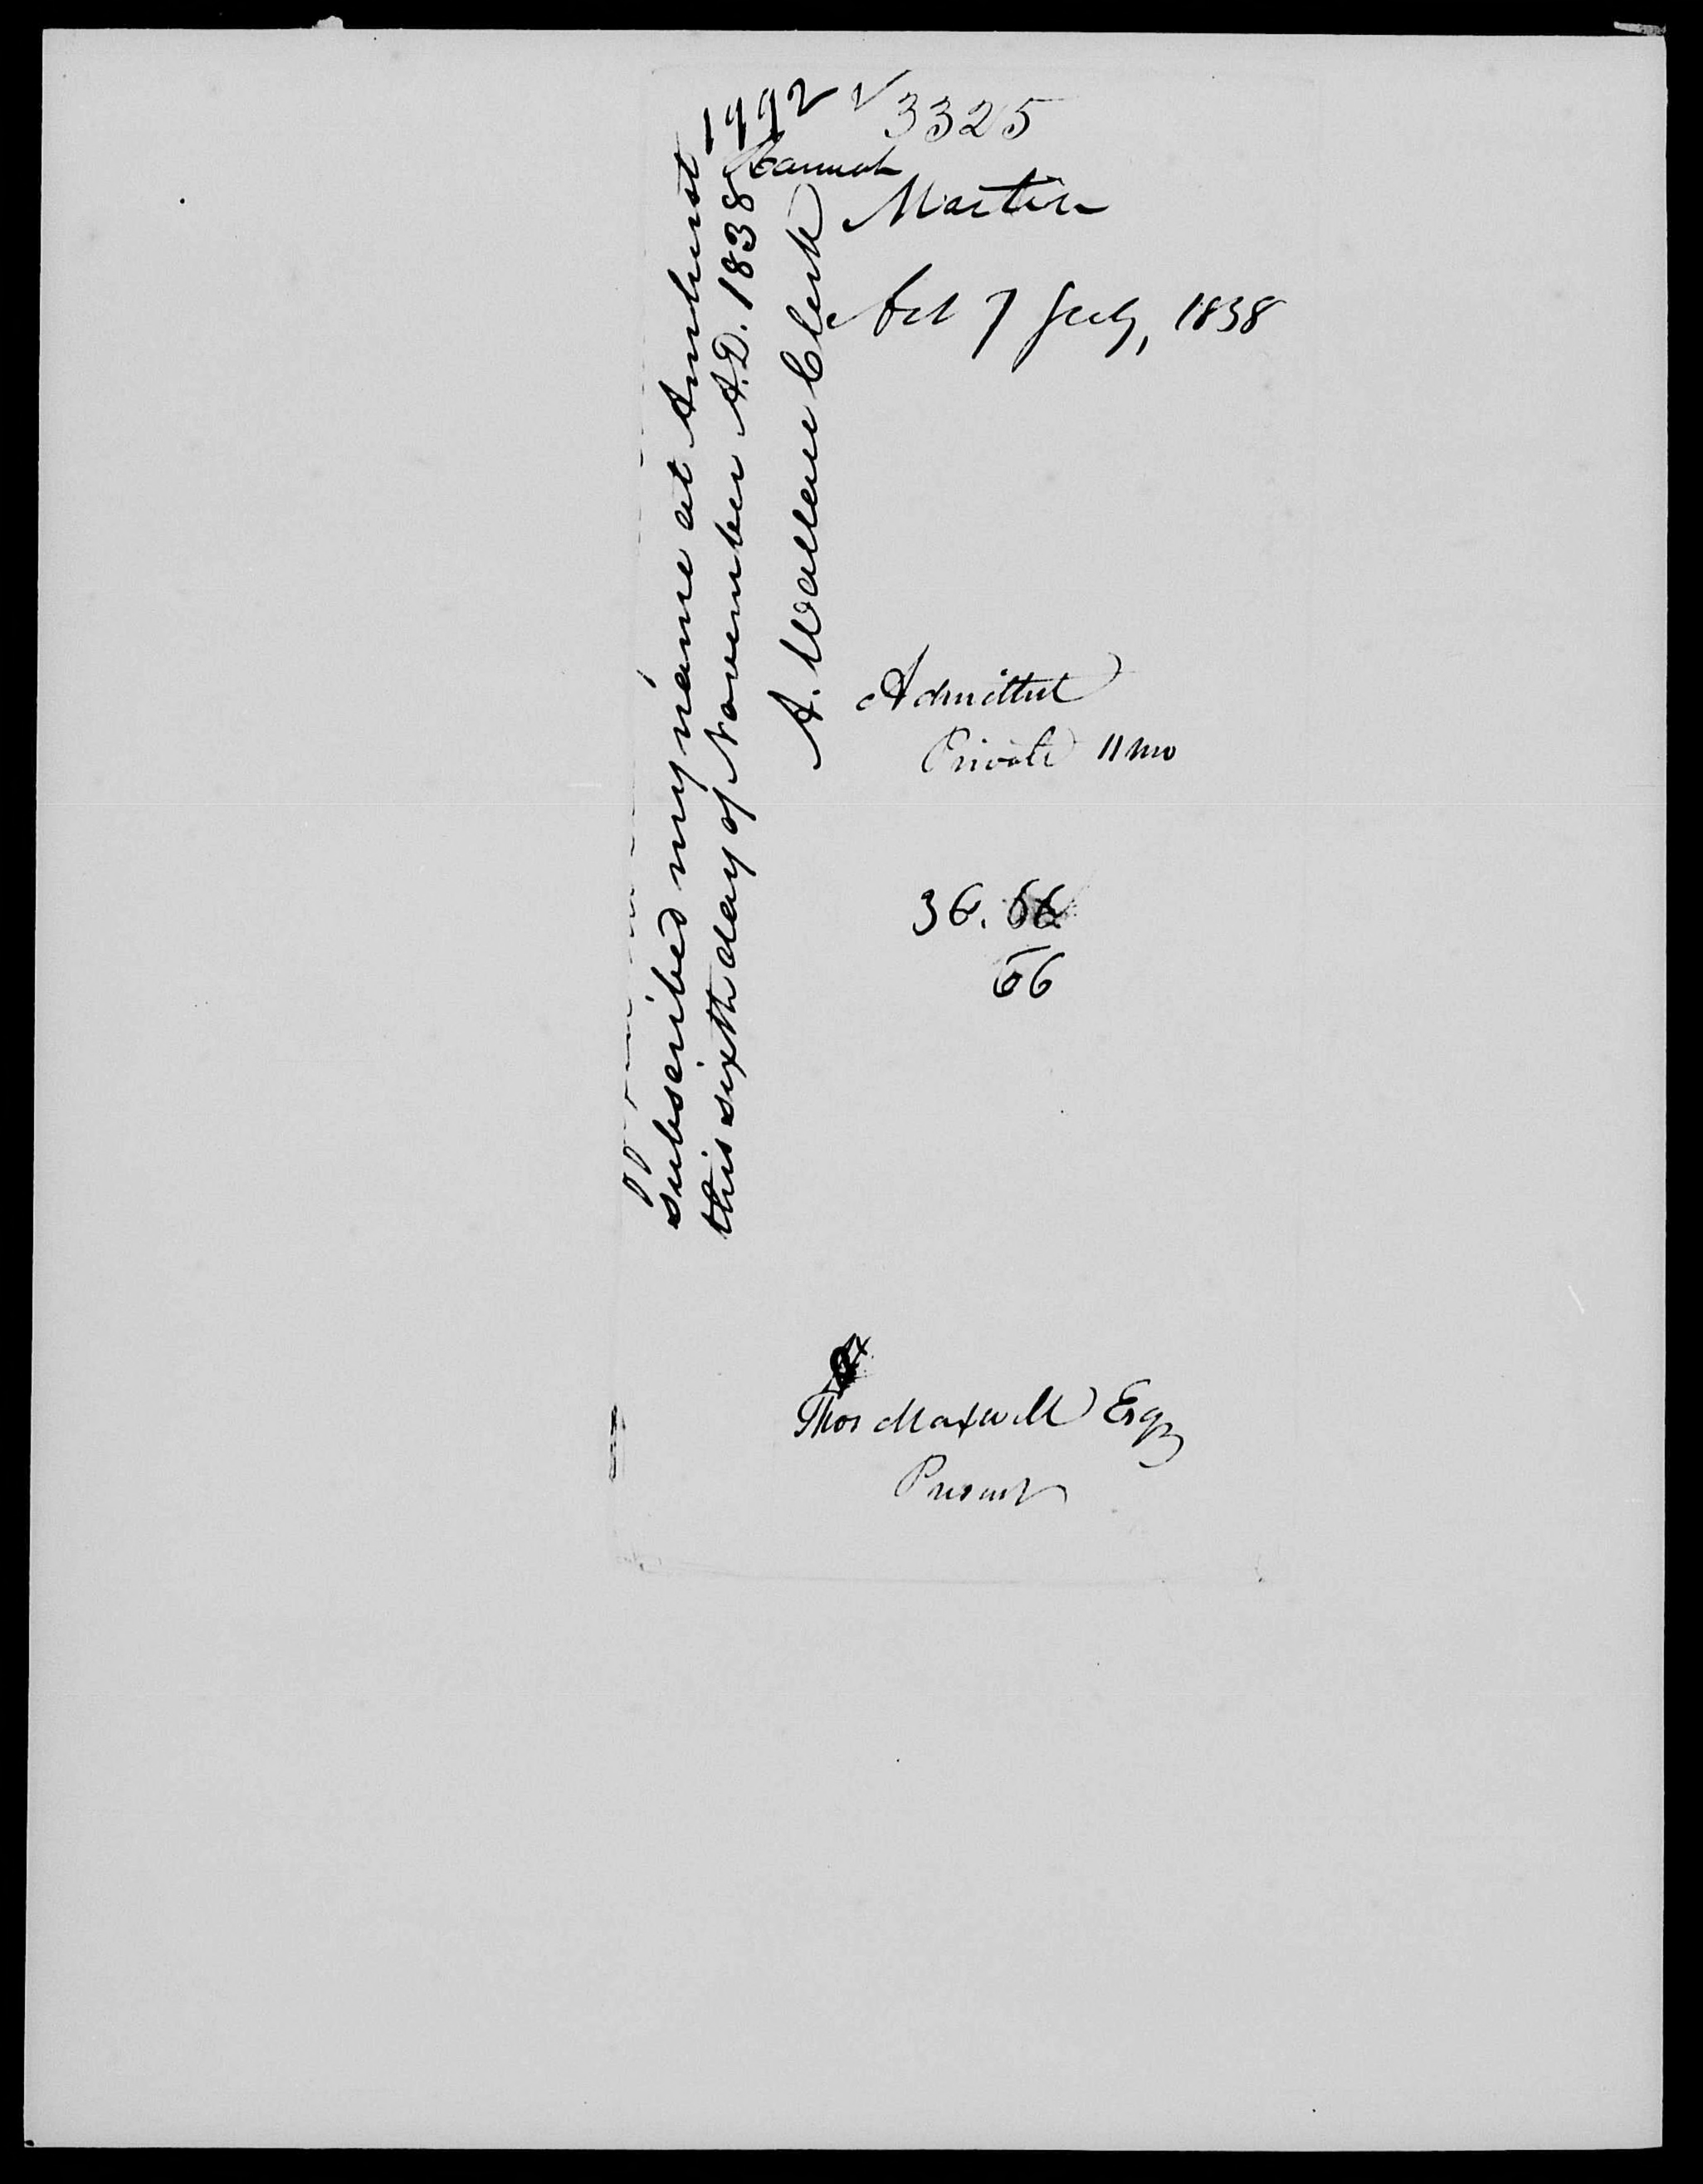1992 [illegible] 3325
[illegible] Martin-
for 7 July, 1838 
Admitted
Private 11 mo
36.66
66
[The letter H was crossed out]
Thos Maxwell Esqr
Pr[?]

subscribed my name at Amherst
this sixth day of November A.D. 1838
A. Wallace Clerk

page: 16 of 30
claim: widow's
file: W. 23,904, for Nathan Martin, New Hampshire